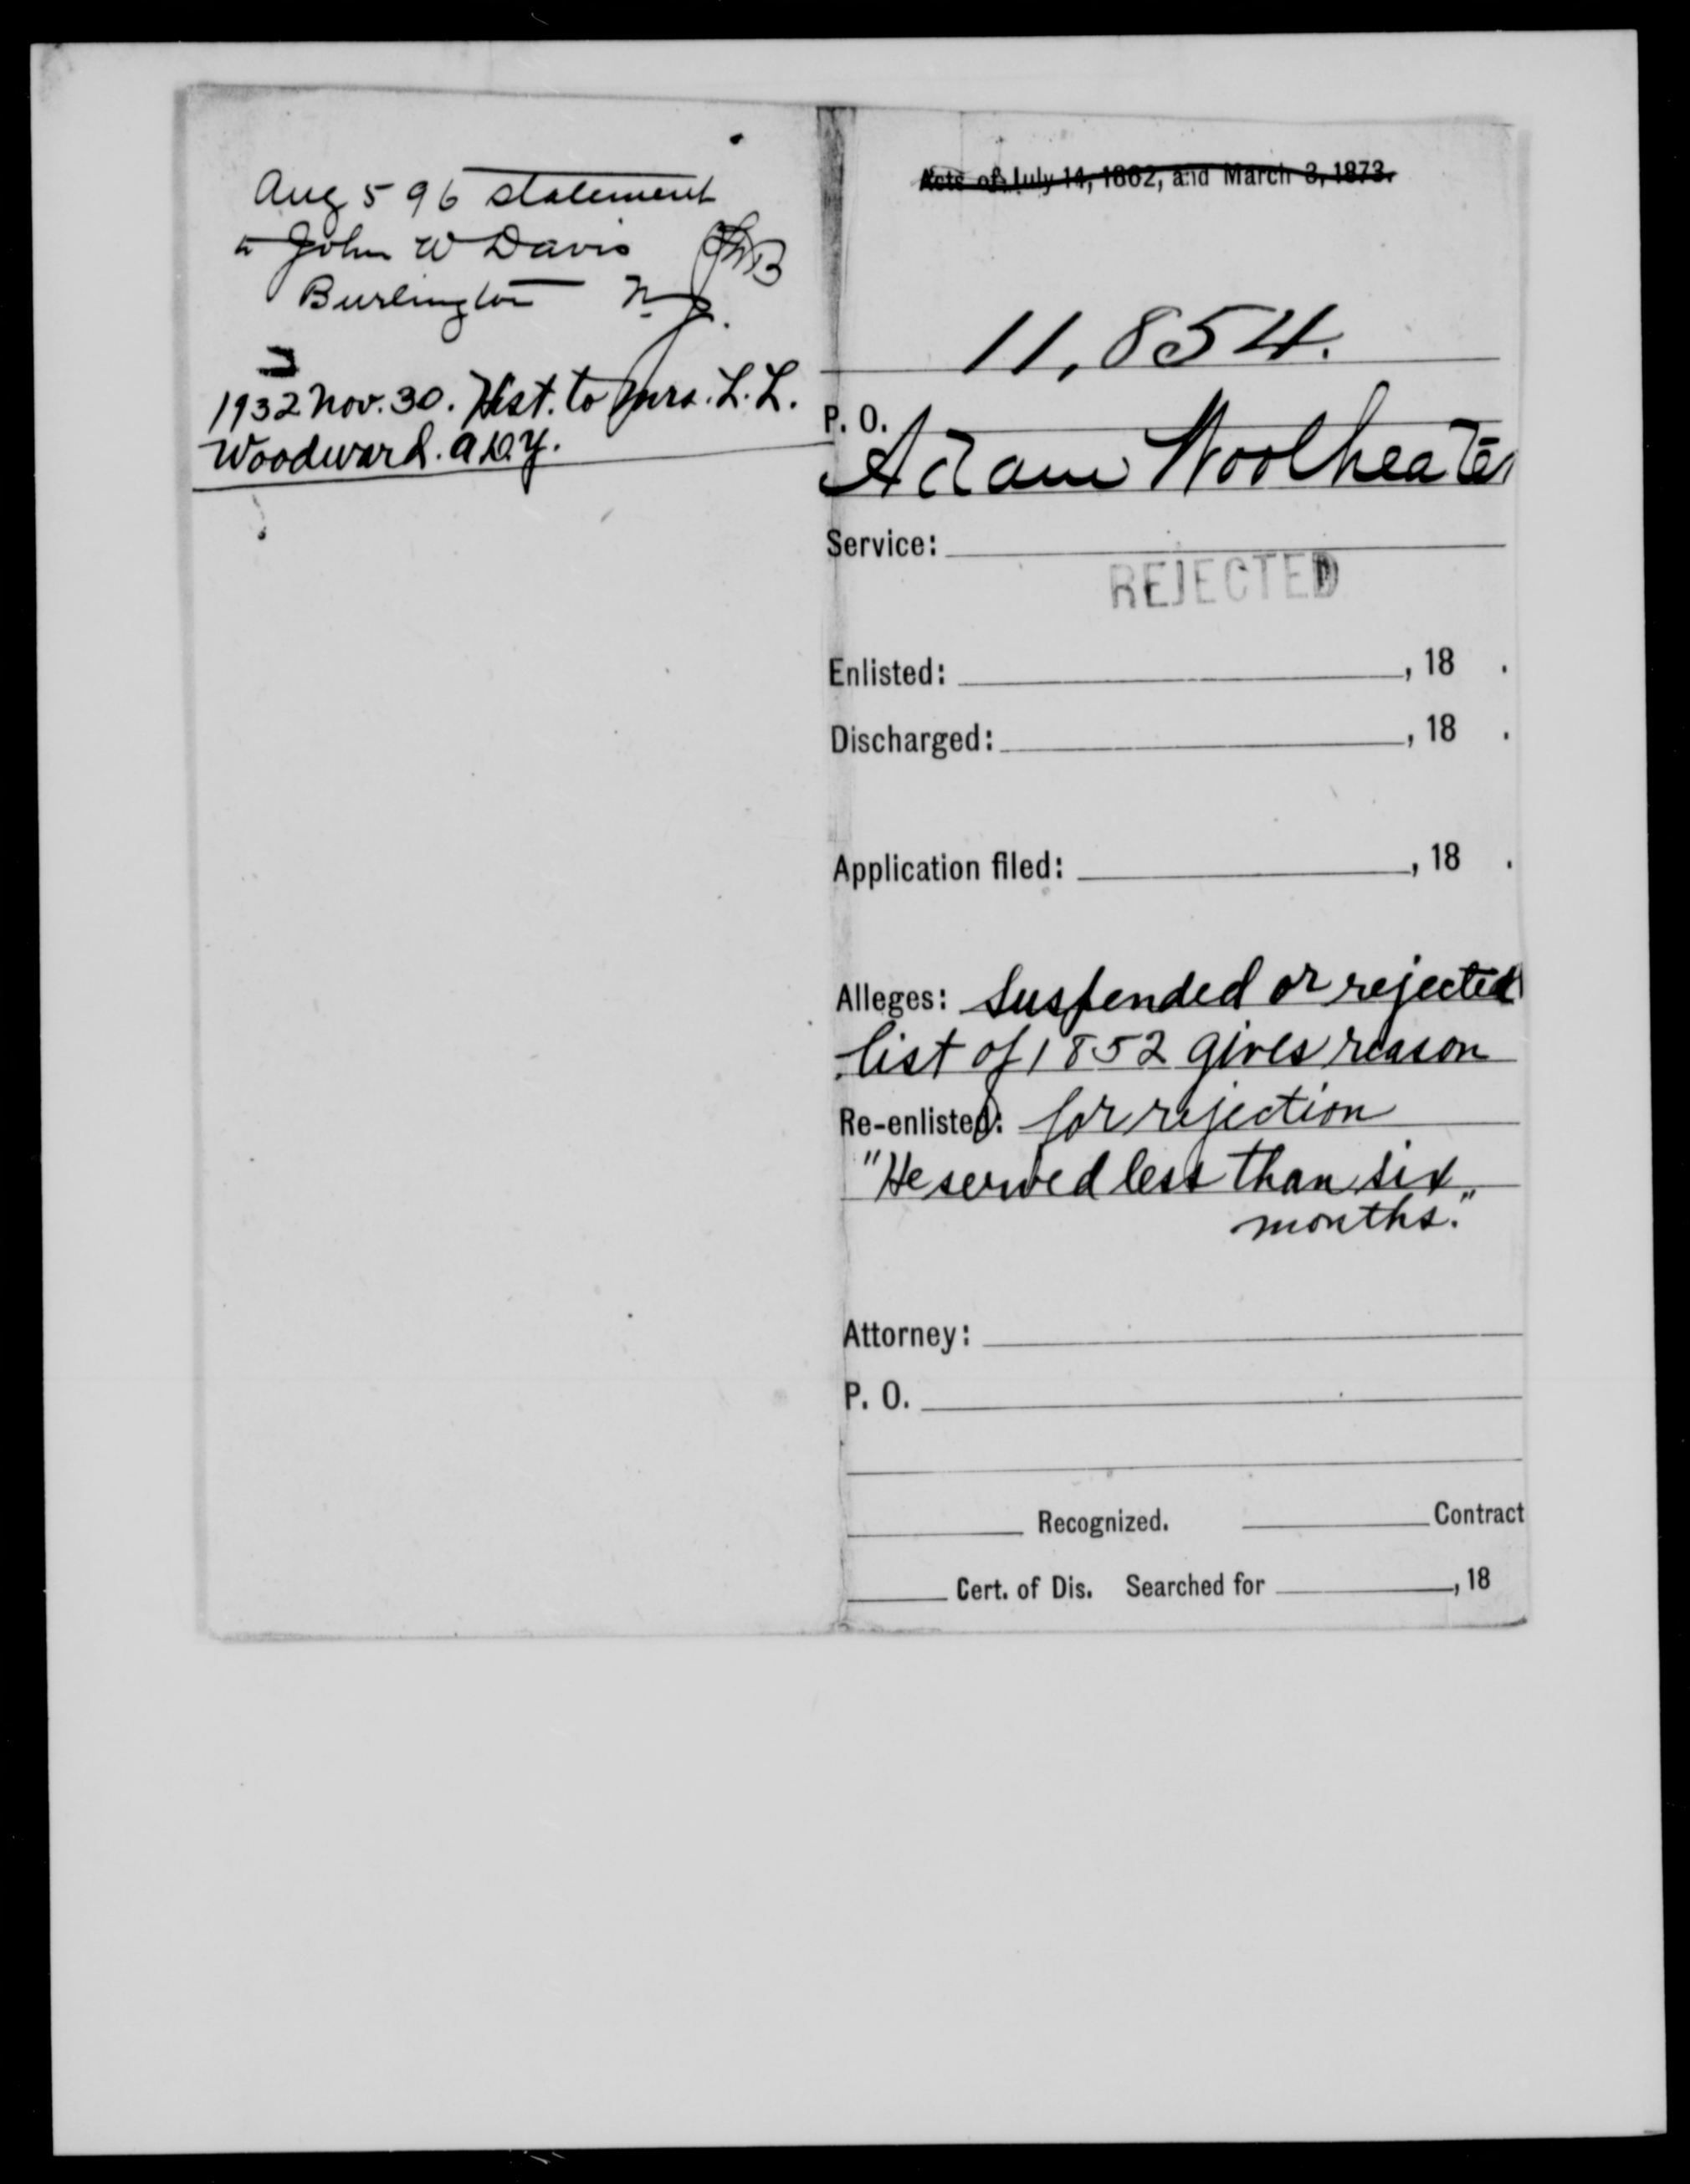Aug 5 96 statement
to John W Davis
Burlington N J lwb
1932 Nov. 30. Hist. to Mrs. L.L.
Woodward AD.Y.

11.854
P. O. 
Adam Wootheater
Service:
REJECTED
Enlisted:
Discharged:
Application filed:

Alleges: Suspended or rejected
list of 1852 gives reason
Re-enlisted for rejection
"He served less than six
months.”

Attorney:
P. O.
Recognized.
Contract
Cert. of Dis. Searched for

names: John W Davis, L L Woodward, Adam Woolheater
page: 8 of 18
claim: rejected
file: R. 11854, Adam Woolheater, Md.